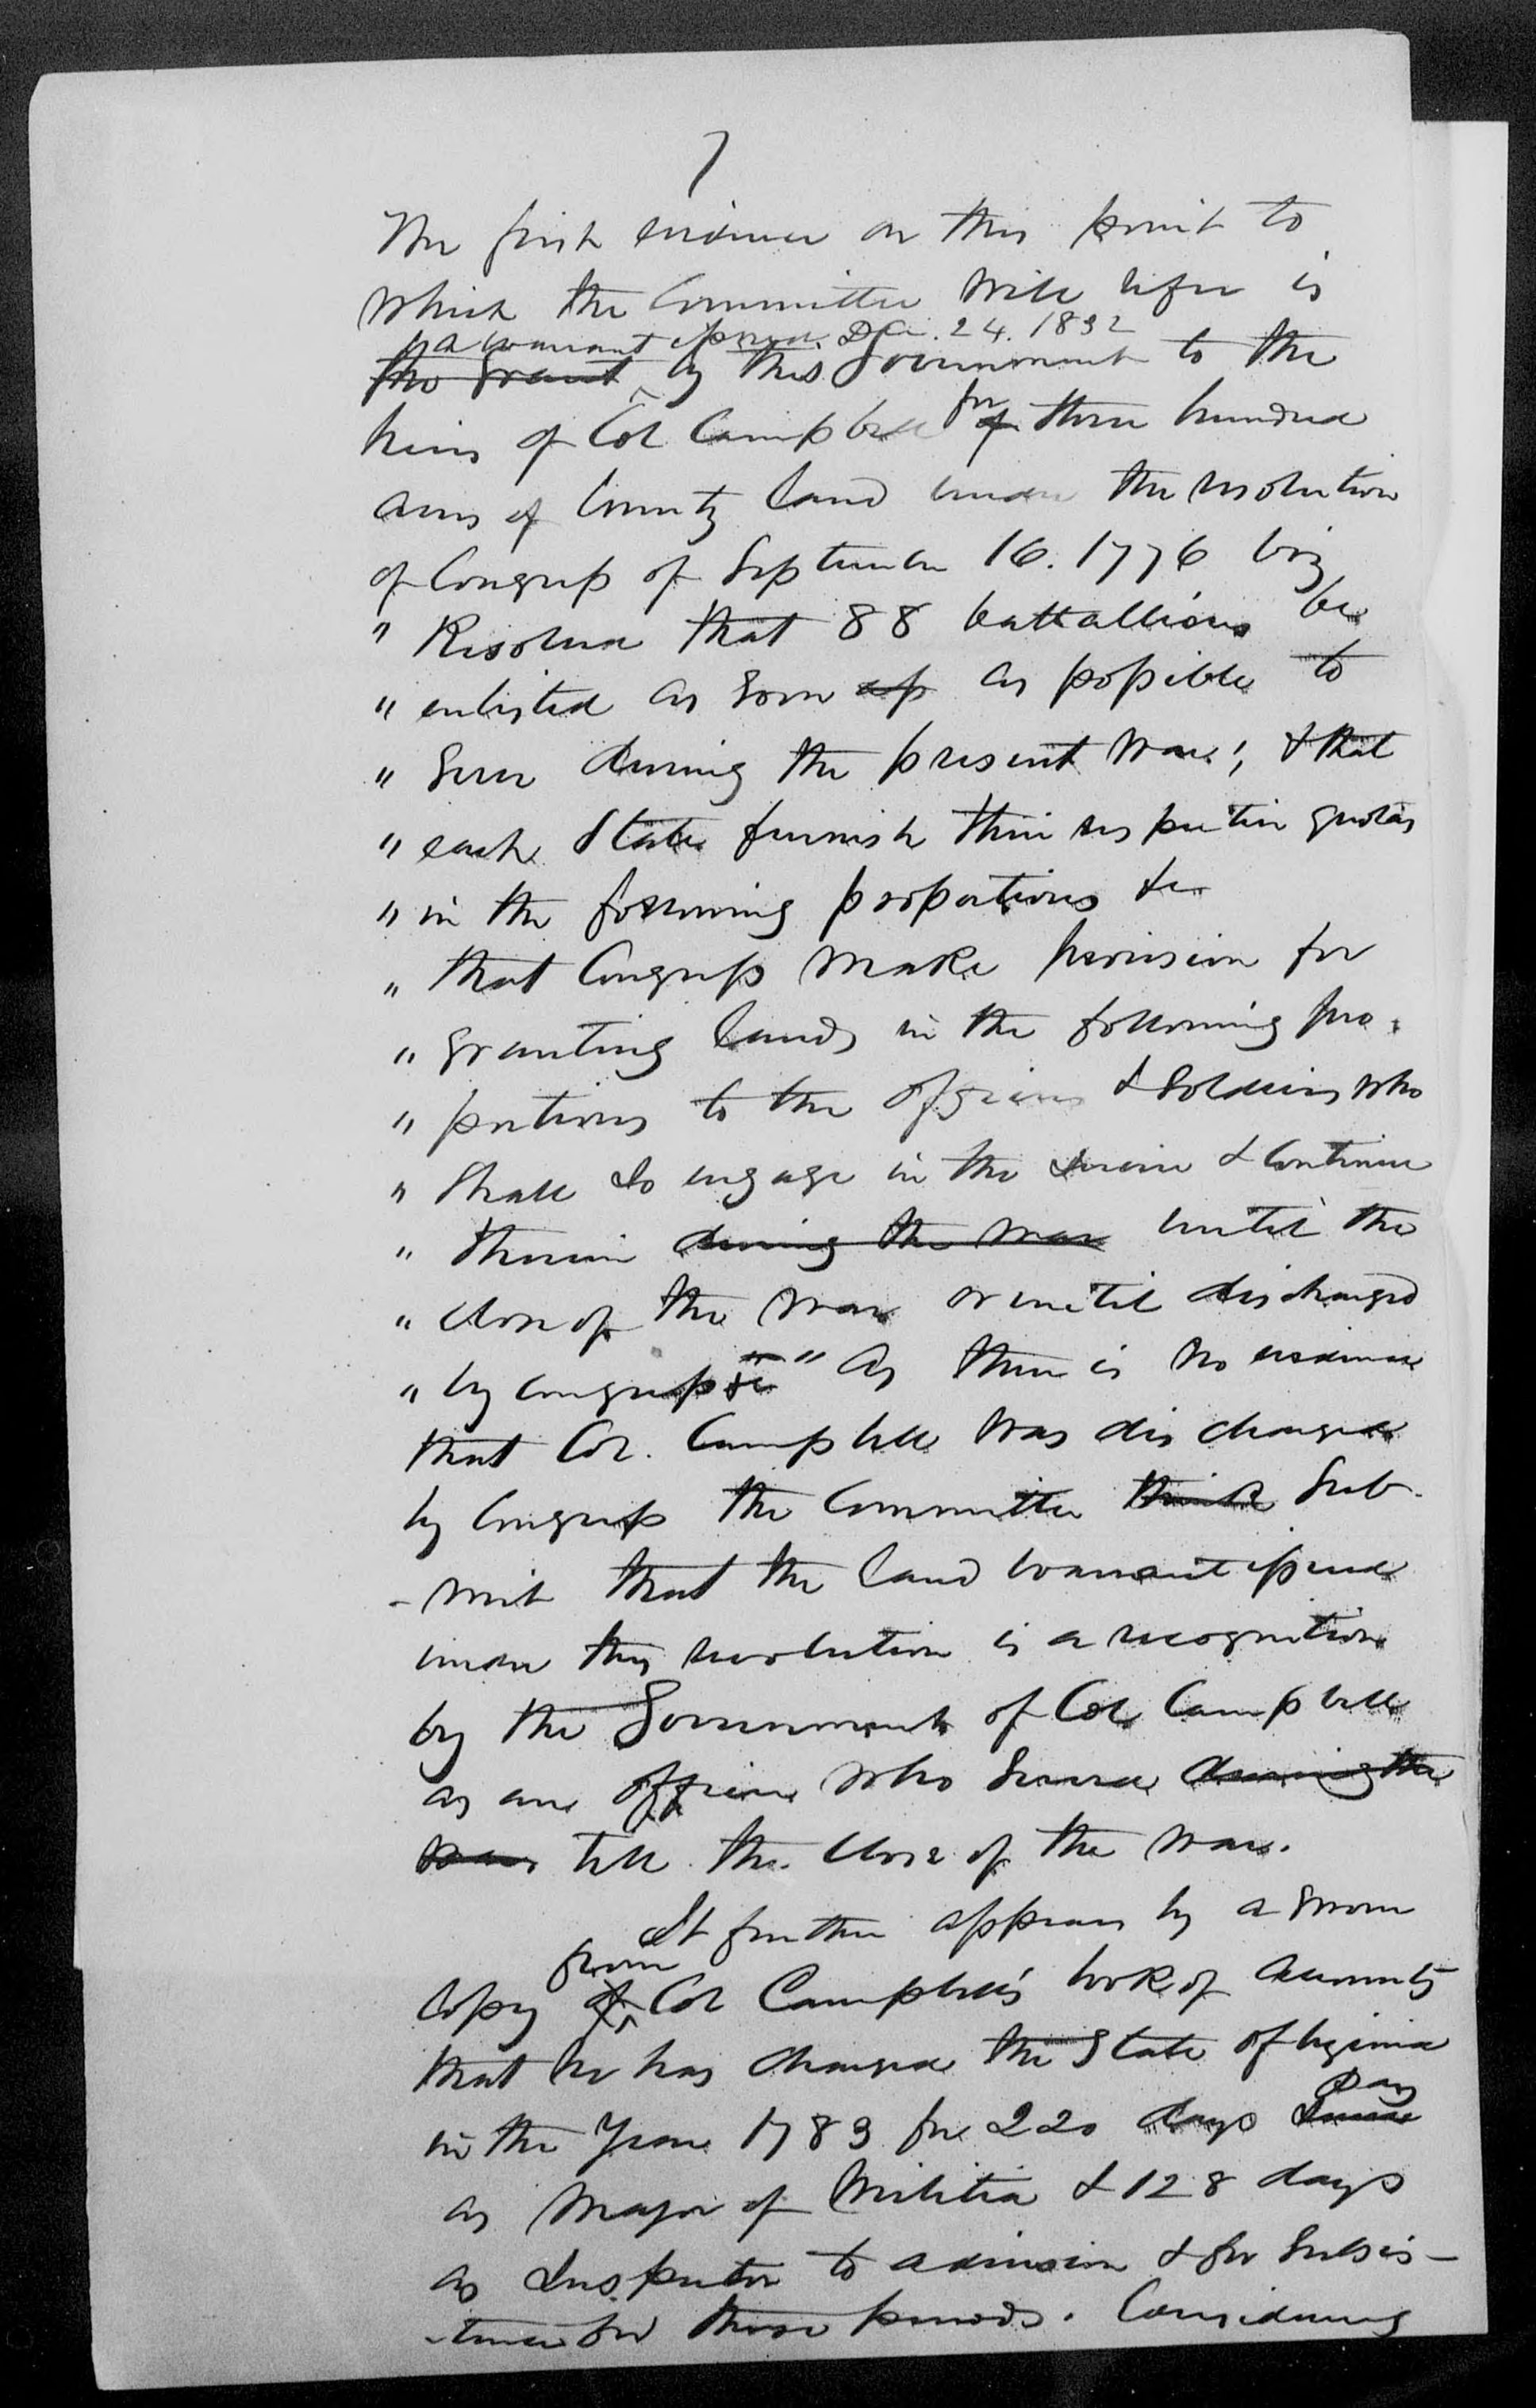7 
The first evidence on this point to which the Committee will refer is a warrant [?] Dec 24, 1832 by this Government to the heirs of Col Campbell for three hundred acres of bounty land under the resolution of Congress of September 16, 1776 vix "Resolved that 88 battallions [sic] be enlisted as soon as possible to serve during the present war; & that each State furnish them [?] in the following proportions &c that Congress make provision for granting land, in the following proportions to the officers & soldier who shall so engage in the service & continue therein [marked out: during the war] until the close of the war or until discharged by Congress &c." Ad there is no evidence that Col Campbell was discharged by Congress the Committee submit that the land warrant issued under this resolution is a recognition by the Government of Col Campbell as an officer who served [marked out: during the war] till the close of the war.
It further appears by a sworn copy from Col Campbell's book of annuity that he has charged the State of Virginia in the year 1783 for 220 days pay  as Major of Militia & 128 days as Inspector to [?] & for subsistence for those periods. Considering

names: Campbell, Campbell, Campbell, Campbell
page: 255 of 267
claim: widow's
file: W. 4,149, William Campbell, Va.